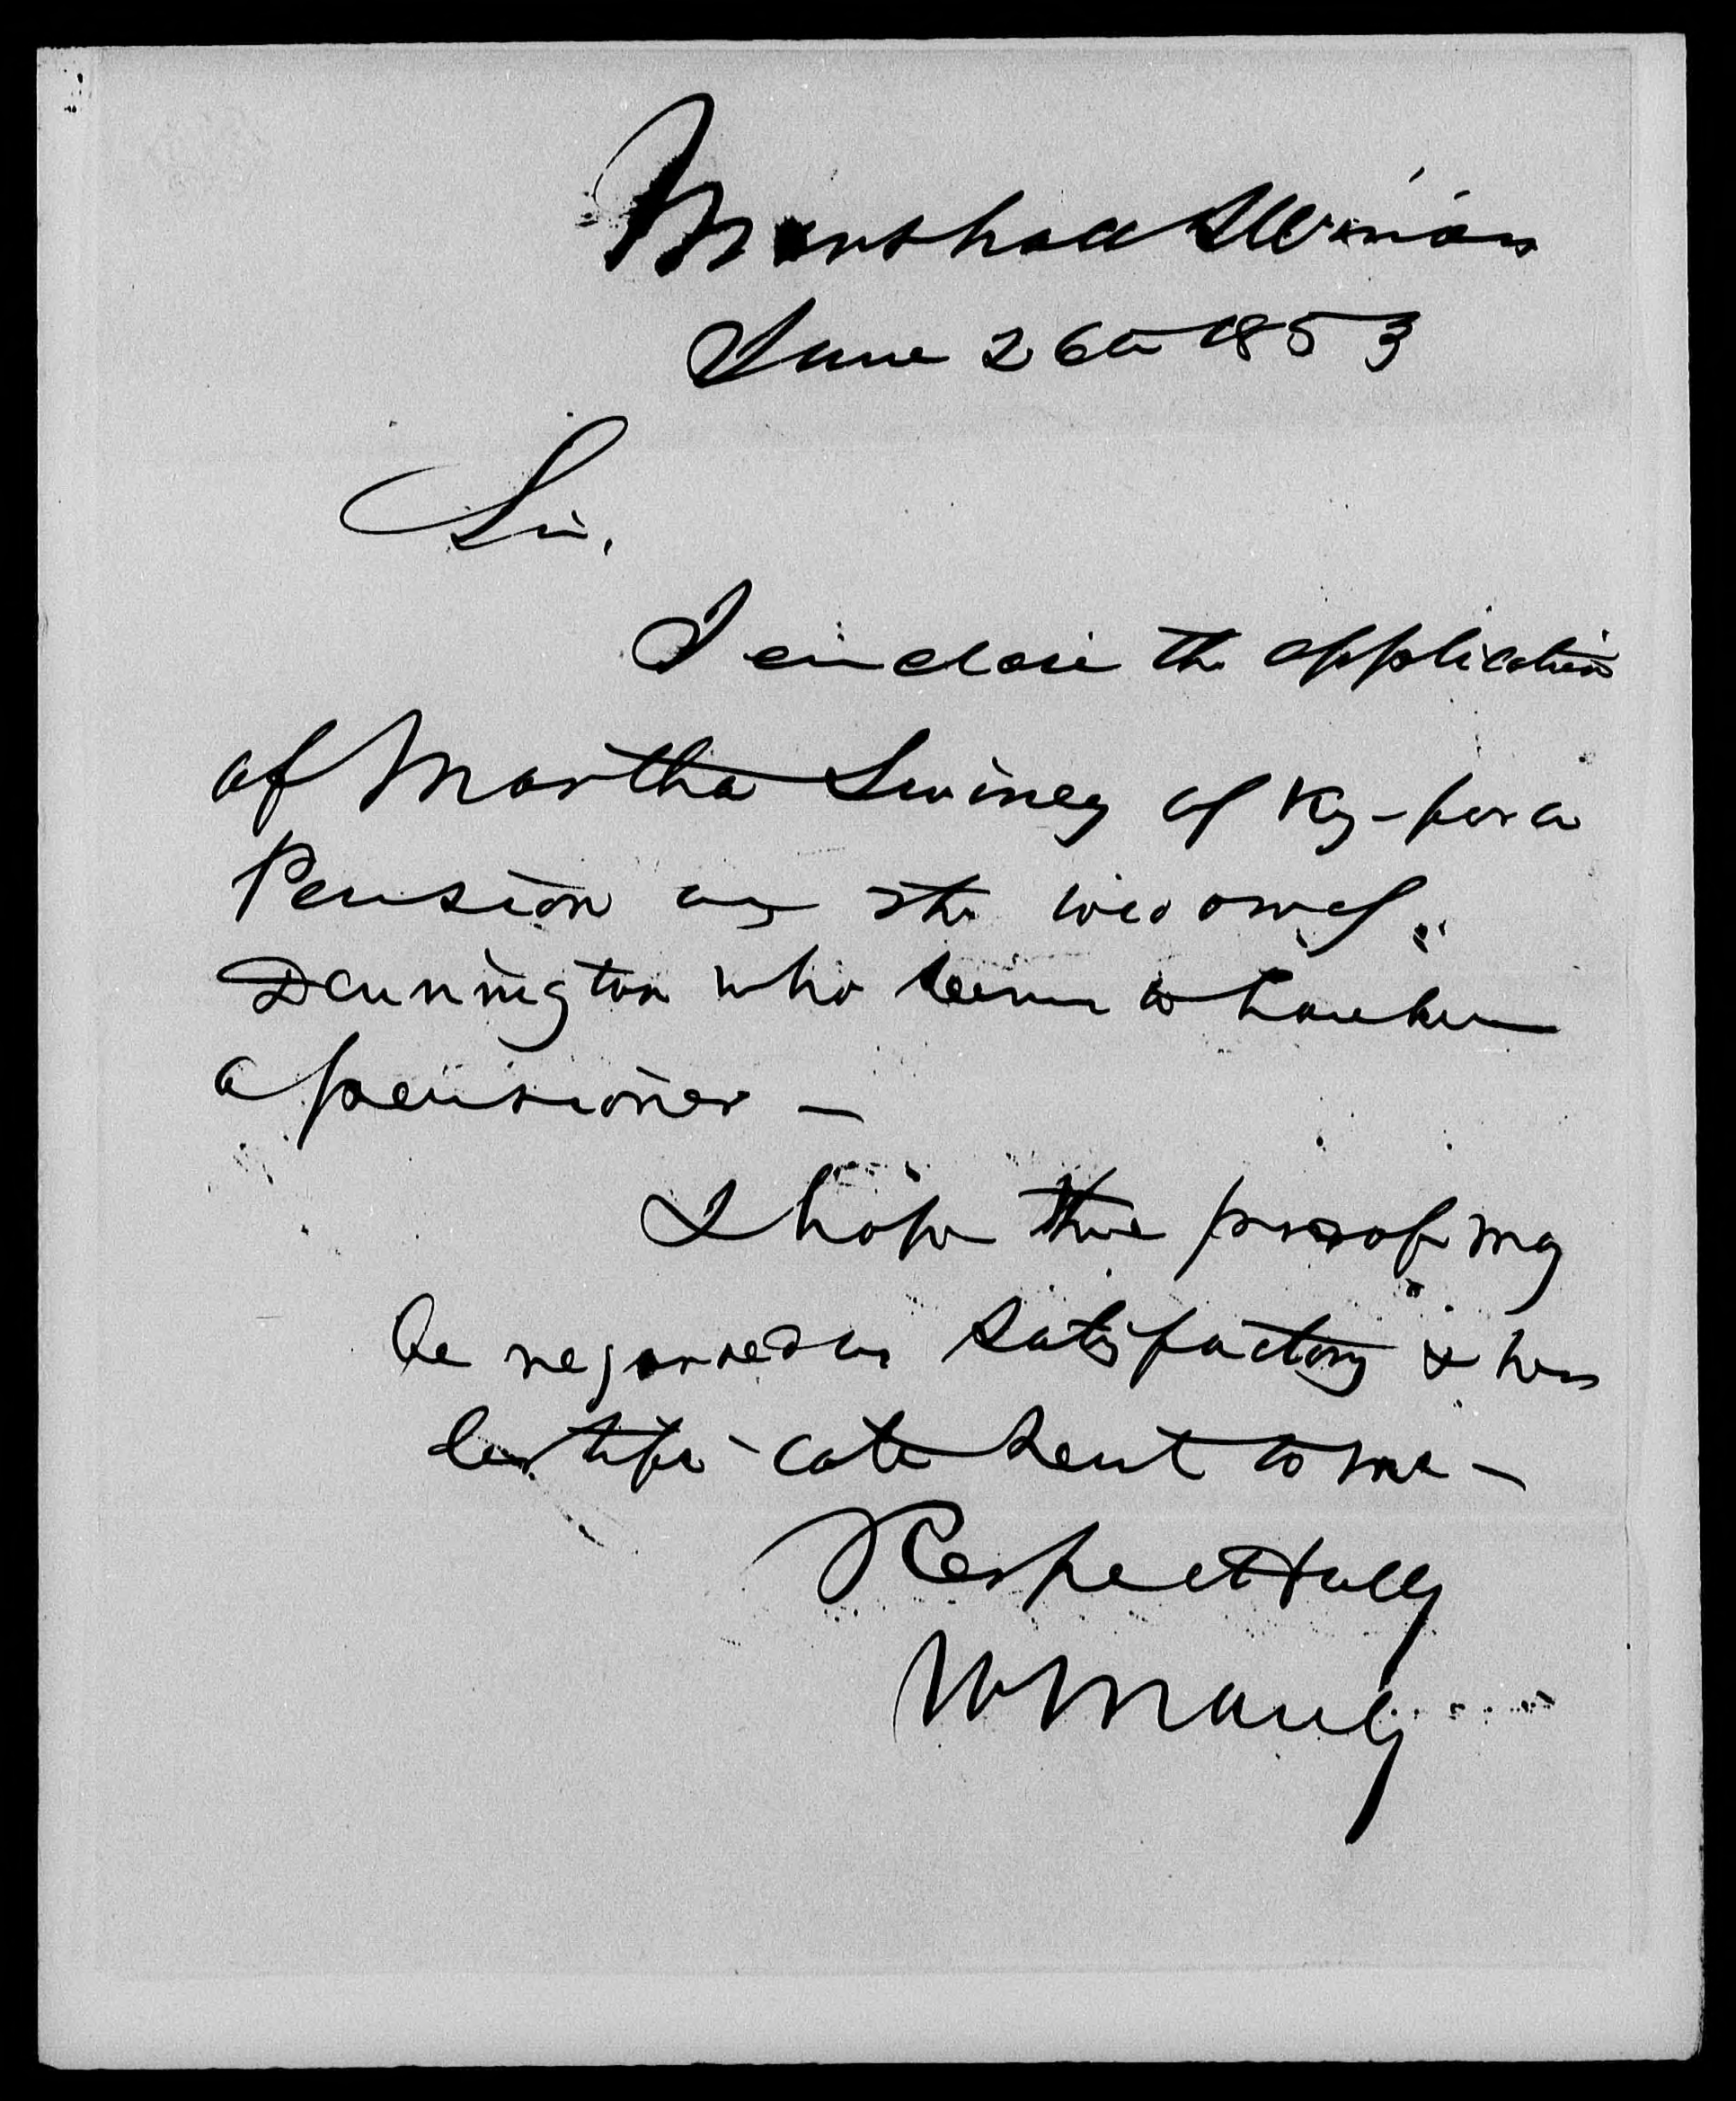Marshall  Illinois 
June 26th 1853 
Sir
I enclose the application of Martha Swiney of Ky for a Pension as the widow of Dannington who seems to have been a pensioner. 
I hope the proof may be [illegible] satisfactory & his Certificate sent to me 
Respectfully 
W. Manly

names: Dennington, W Manly, Martha Swiney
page: 43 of 51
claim: widow's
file: W. 27,409, William Dunnington, Md.